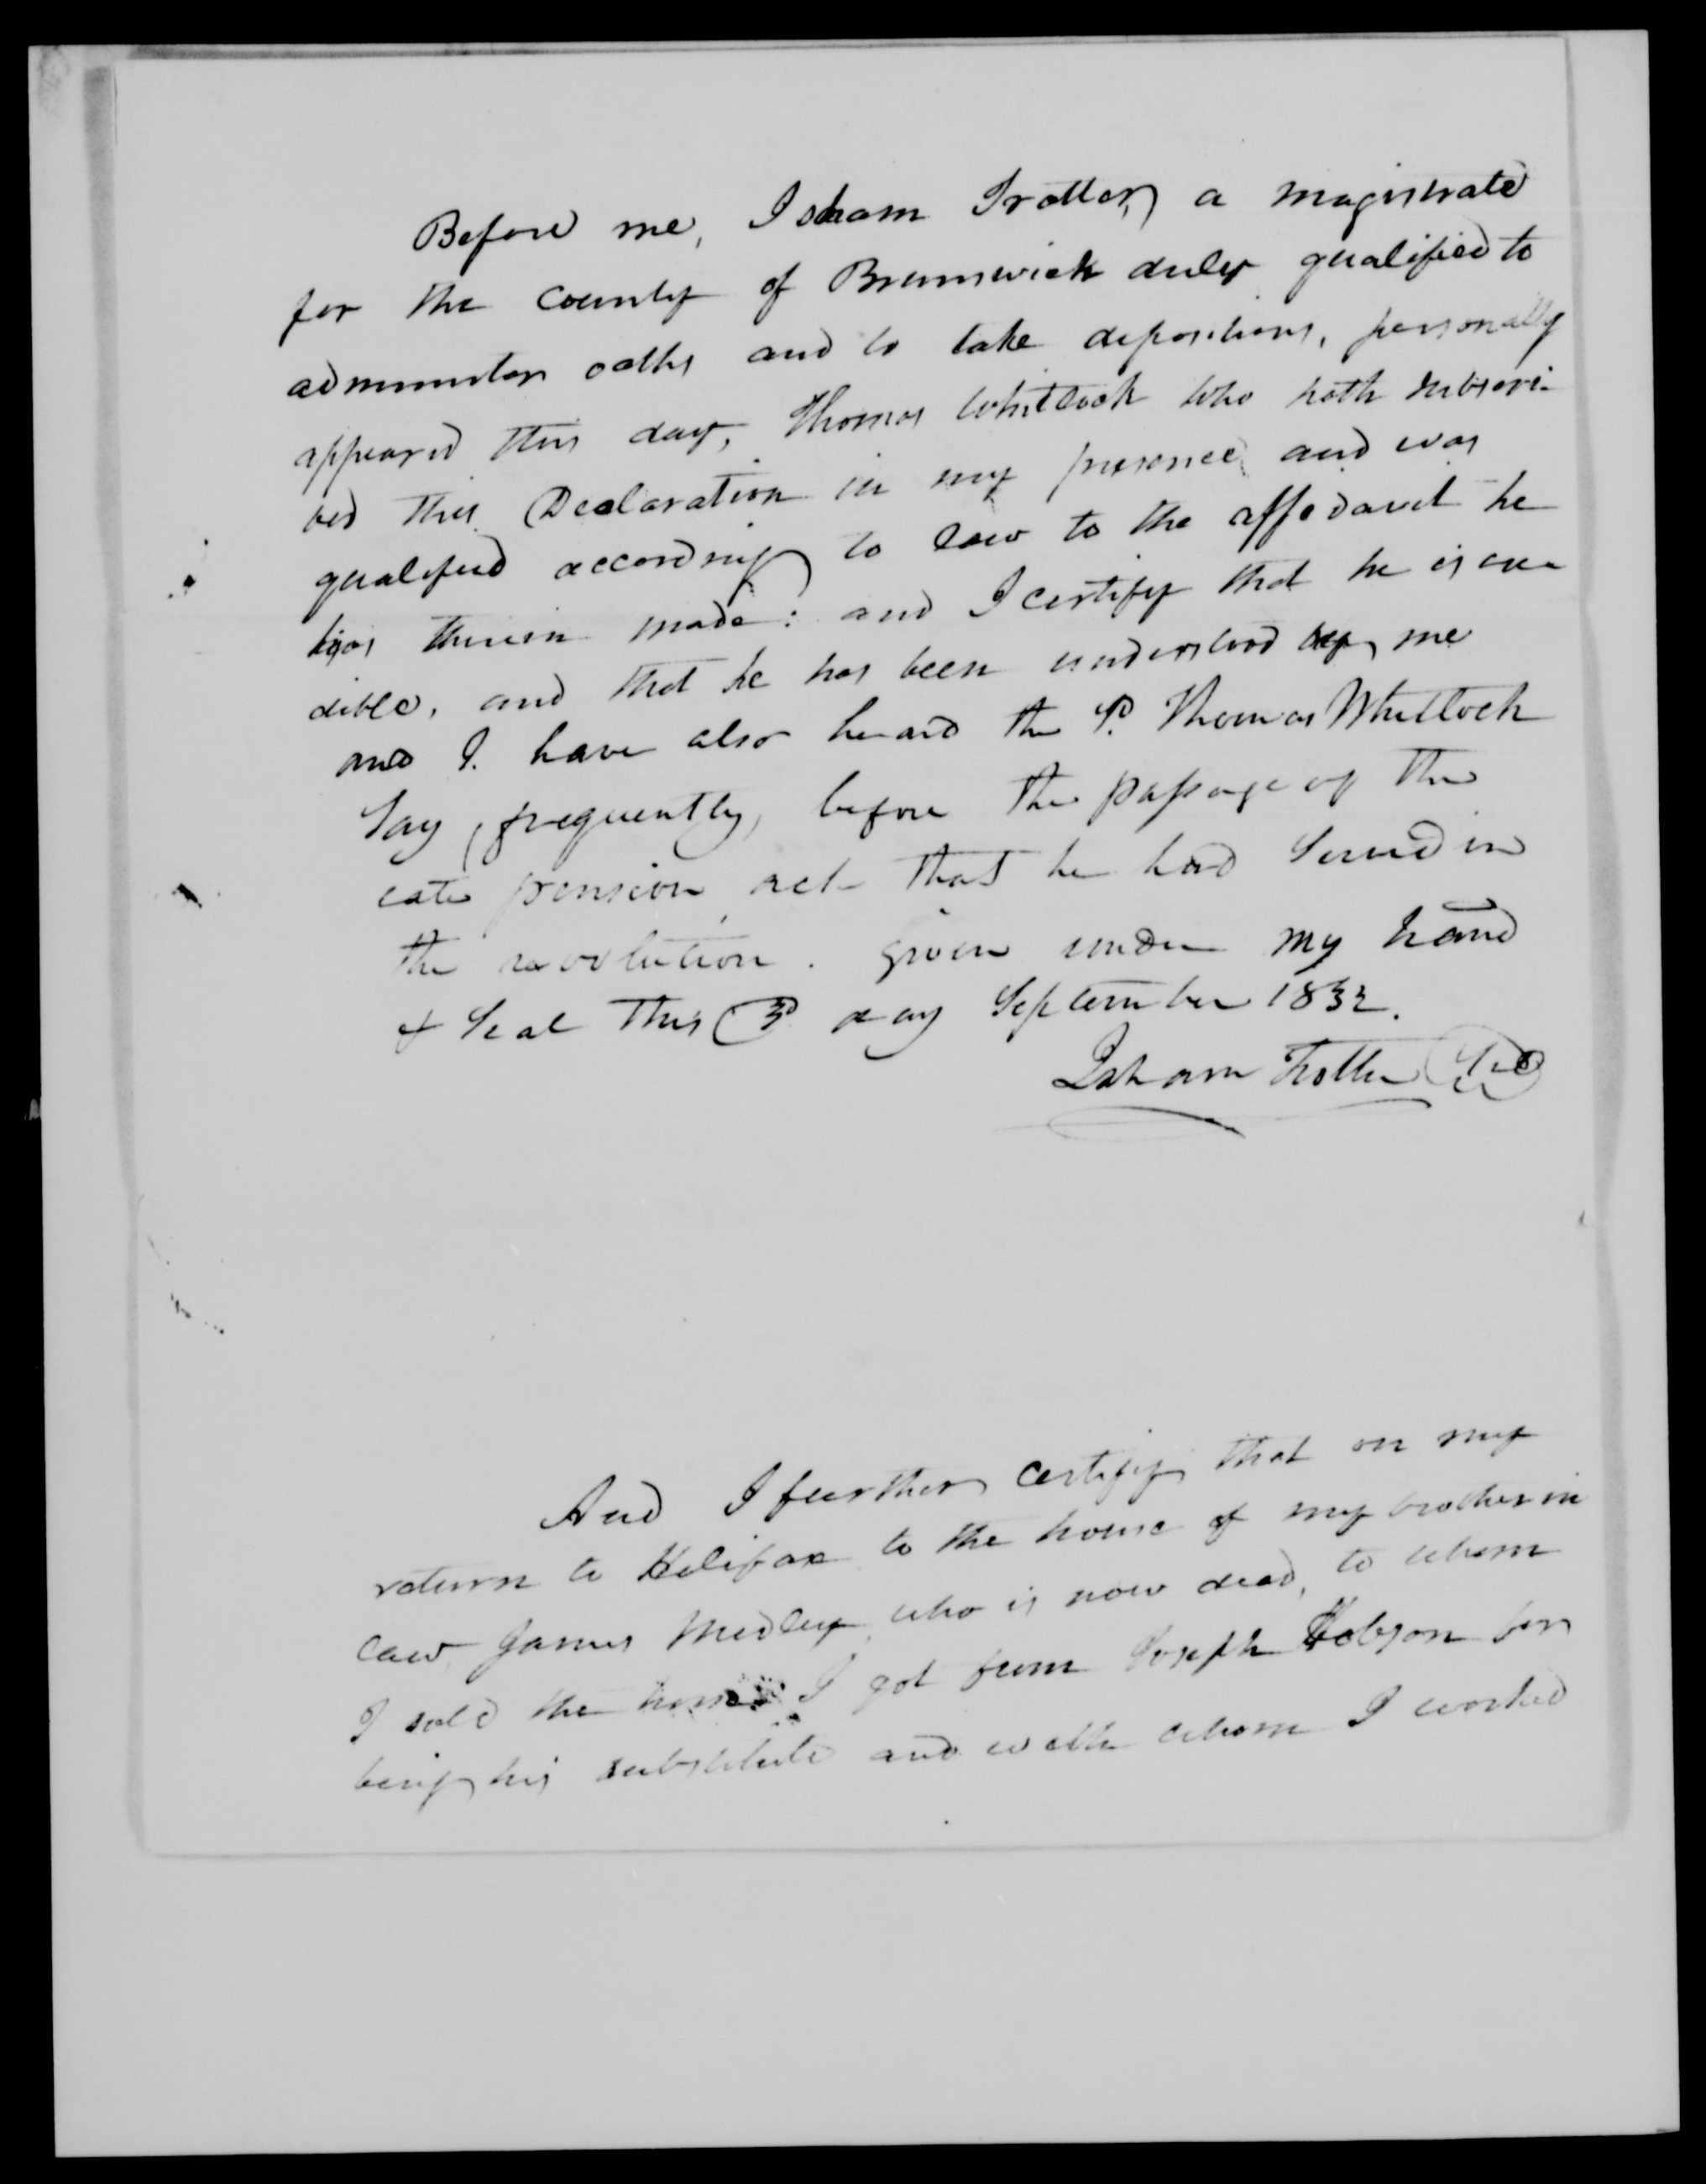Before me, Isham Trotter a magistrate for the County of Brunswick duly qualified to administer oaths and to take depositions, personally appeared this day, Thomas Whitlock who hath stated  this Declaration in my presence and was qualified according to law to the affidavit he as therein made and I certify that he is believable, and that he has been understood by me and I have also heard the P. Thomas Whitlock say frequently, before the passage of the a pension act that he had served in the revolution. Given under my hand seal this 3rd day September 1832 Isham Trotter

And I further certify that on my return to Halifax to the house of my brother in law James Medley, who is now died, to whom I sold the house I got from Joseph Robson for being his substitute and with whom I worked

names: Thomas Whitlock, Joseph Robson, James Moodey, Isham Trotter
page: 7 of 32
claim: survivor's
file: S. 16020, Thomas Whitlock, Va.